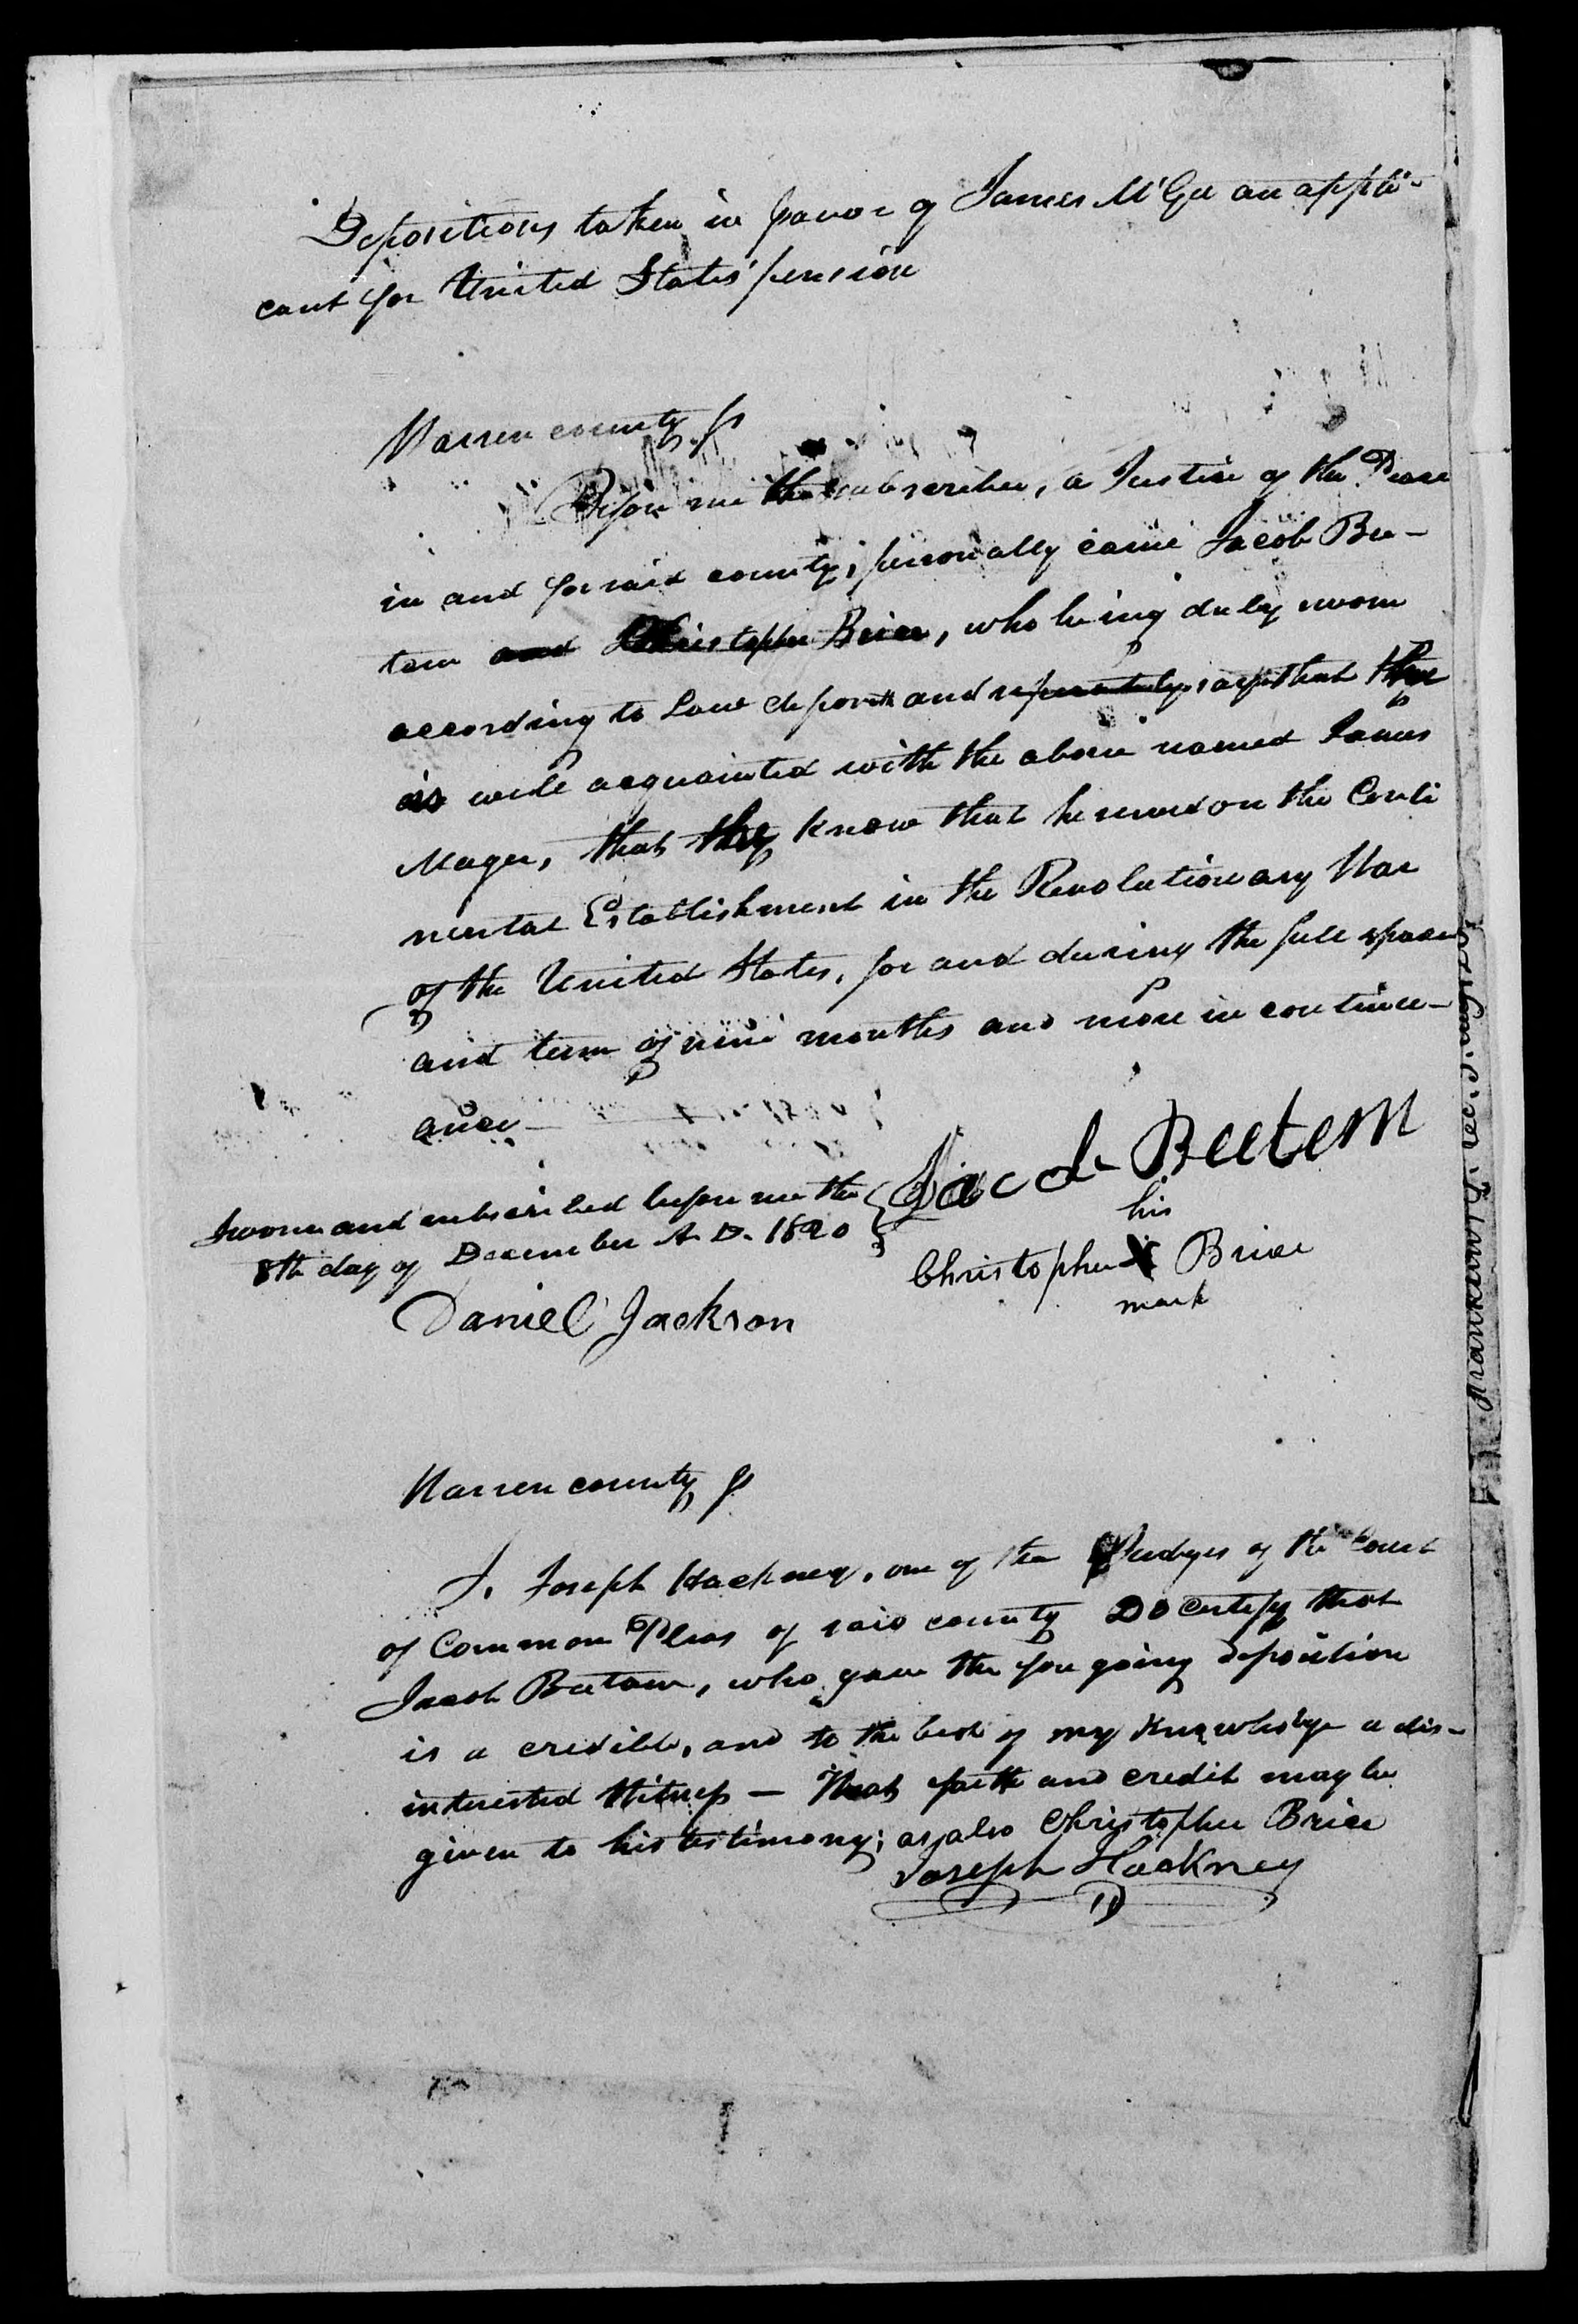Depositions taken in favor of James McGee  as applicant for United States pension

Warren County ss

Before me the subscriber, a Justice of the Peace
in and for said county, personally came Jacob Beetem  and Christopher Brice , who being duly sworn according to Law depose and repeatedly say that they are well acquainted with the above named James McGee,  that they know that he served  the continental Establishment in the Revolutionary War of the United States, for and during the full space and term of nine months and more in continuance -


Jacob Beetem ( his signature)
Christopher (his X mark)  Brice

Sworn and subscribed before me the 
8th day of December A.D. 1820

Daniel Jackson


Haven County ss

I Joseph Hackney, one of the Judges of the Court of Common Pleas of said County do certify that Jacob Beetem, , who gave the foregoing deposition is a credible and to the best of my Knowles a disinterested witness - that faith and credit may be given to his testimony; as also Christopher Brice

Joseph Hackney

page: 54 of 77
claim: widow's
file: W 2954, for James Mc Gee, Delaware